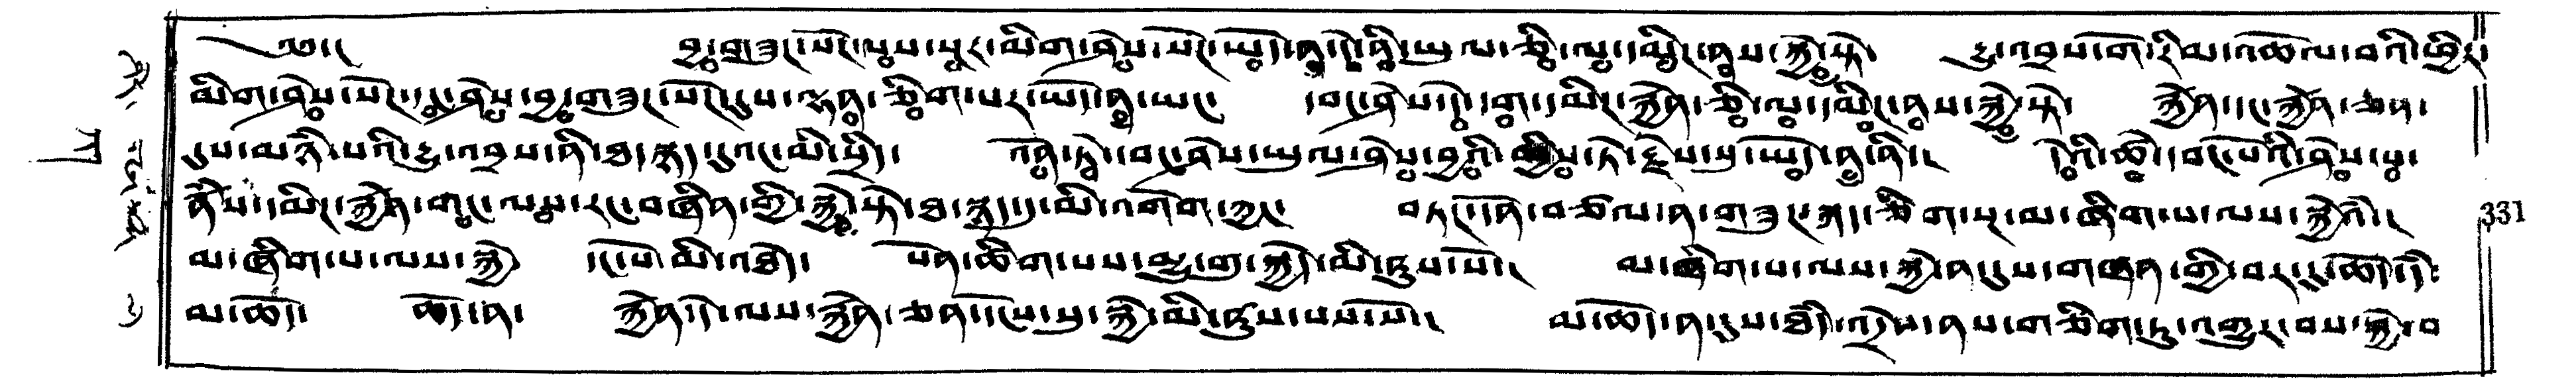བྱ་གཟུགས་སོགས་ལས་སྔར་མིག་ཤེས་སོགས་ཡོད་ན་དེ་ནི་ཡུལ་ཅི་ལ་དམིགས་ནས་སྐྱེ་སྟེ། རྒྱུ་འབྲས་གོ་རིམ་འཆོལ་བའི་ཕྱིར་
མིག་ཤེས་སོགས་དང་ཤེས་བྱ་གཟུགས་སོགས་དུས་ལྷན་ཅིག་པར་ཡོད་ན་ཡང་། དབང་ཤེས་དེ་དག་དམིགས་རྐྱེན་ཅི་ལ་དམིགས་ནས་སྐྱེ་སྟེ། རྐྱེན་དང་རྐྱེན་ཅན་
དུས་མཉམ་པའི་རྒྱུ་འབྲས་ནི་ཐ་སྙད་དུའང་མི་སྲིད། འོན་ཏེ་དབང་ཤེས་ཡུལ་ཤེས་བྱའི་ཕྱིས་ཏེ་རྗེས་སུ་ཡོད་ན་ནི།དེའི་ཚེ་དབང་པོའི་ཤེས་པ་
རྣམས་དམིགས་རྐྱེན་གང་ལས་རང་བཞིན་གྱིས་སྐྱེ་སྟེ་ཐ་སྙད་དུ་མི་འགོག་ཀྱང་། བཏགས་དོན་བཙལ་ན་གཟུགས་སྐད་ཅིག་སྔ་མ་ཞིག་པ་ལས་སྐྱེའམ། 
མ་ཞིག་པ་ལས་སྐྱེ། དང་པོ་མི་འཐད་དེ། ས་བོན་ཚིག་པས་མྱུ་གུ་སྐྱེད་མི་ནུས་སོ།། མ་ཞིག་པ་ལས་སྐྱེ་ན་དུས་གཞན་གྱི་བར་དུ་ཆོད་དམ་
མ་ཆོད། ཆོད་ན། རྐྱེན་དེ་ལས་རྐྱེན་ཅན་དངོས་སུ་སྐྱེ་མི་ནུས་པས་སོ།། མ་ཆོད་ན་དུས་ཐམས་ཅད་འདྲེས་ནས་གཅིག་ཏུ་འགྱུར་བས་སྐྱེ་བ་